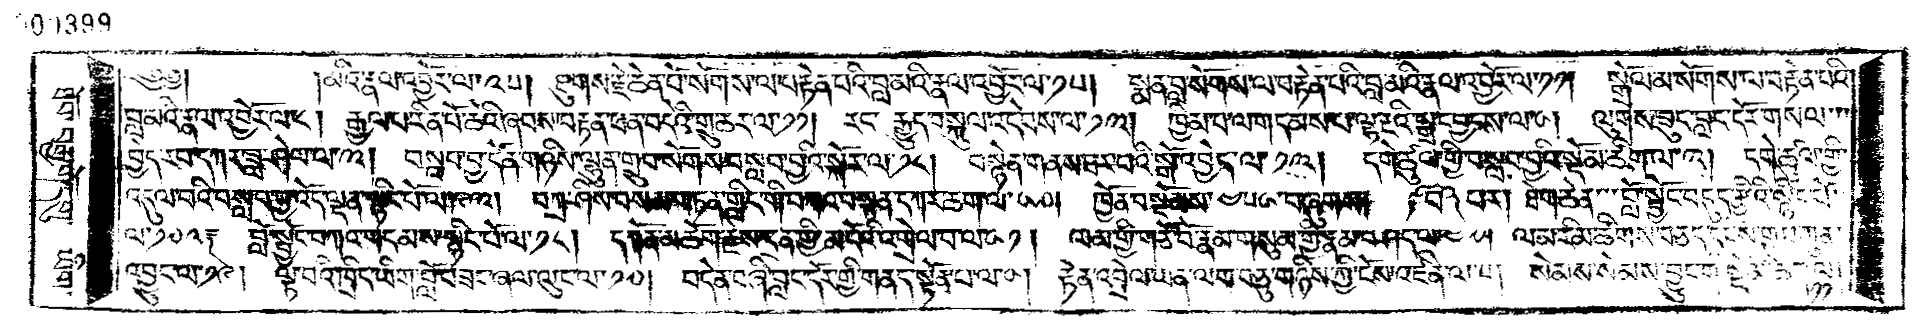༄༅། །མའི་རྣལ་འབྱོར་ལ ༢༥། ཐུགས་རྗེ་ཆེན་པོ་སོགས་ལ་བརྟེན་པའི་བླ་མའི་རྣལ་འབྱོར་ལ ༡༥། སྨན་བླ་སོགས་ལ་བརྟེན་པའི་བླ་མའི་རྣལ་འབྱོར་ལ ༡༡། སྒྲོལ་མ་སོགས་ལ་བརྟེན་པའི་
བླ་མའི་རྣལ་འབྱོར་ལ ༨། རྒྱལ་པ་རིན་པོ་ཆེའི་ཞབས་བརྟན་ཕན་བདེའི་གྲུ་ཆར་ལ ༡༡། རང་བརྒྱུད་བསྐུལ་འདེབས་ལ ༡༣། ཁྱིམ་པ་ལ་གདམས་པ་ལྷ་རྔའི་སྒྲ་དབྱངས་ལ ༦། ལུགས་ཟུང་བླང་དོར་གསལ་
བྱེད་རབ་དཀར་ཟླ་ཤེལ་ལ ༣། བསླབ་བྱ་དོན་གཉིས་ལྷུན་གྲུབ་སོགས་བསླབ་བྱའི་སྐོར་ལ ༡༨། བསྙེན་གནས་ཐར་བའི་སྒོ་འབྱེད་ལ ༡༣། དགེ་ཚུལ་གྱི་བསླབ་བྱའི་སྡོམ་ཚིག་ལ ༣། དགེ་ཚུལ་གྱི་
འདུལ་བའི་བསླབ་བྱ་འོད་ལྡན་སྙིང་པོ་ལ ༩༣། བཀྲ་ཤིས་བསམ་གཏན་གླིང་གི་བཀའ་བསྟན་དཀར་ཆག་ལ ༦༠། ཁྱོན་བསྡོམས ༤༥༦་བཞུགས། ༼བ༽ པར། ཐེག་ཆེན་བློ་སྦྱོང་བདུད་རྩིའི་སྙིང་པོ་
ལ ༡༧༢༑ བློ་སྦྱོང་བཀའ་གདམས་སྙིང་པོ་ལ ༡༨། དཀོན་མཆོག་རྗེས་དྲན་གྱི་མདོའི་འགྲེལ་བ་ལ ༦༡། ལམ་གྱི་གཙོ་བོ་རྣམ་གསུམ་གྱི་རྣམ་བཤད་ལ ༤༧། ལམ་རིམ་ཚིགས་བཅད་དངོས་གྲུབ་ཀུན་
འབྱུང་ལ ༡༩། ལྟ་བའི་ཁྲིད་ཡིག་བློ་བཟང་ཞལ་ལུང་ལ ༡༠། བདེན་བཞི་བླང་དོར་གྱི་གནད་སྟོན་པ་ལ ༦། རྟེན་འབྲེལ་ཡན་ལག་བཅུ་གཉིས་ཀྱི་ངོས་འཛིན་ལ ༥། སེམས་སེམས་བྱུང་གི་སྡོམ་ཚིག་ལ ༡༡།